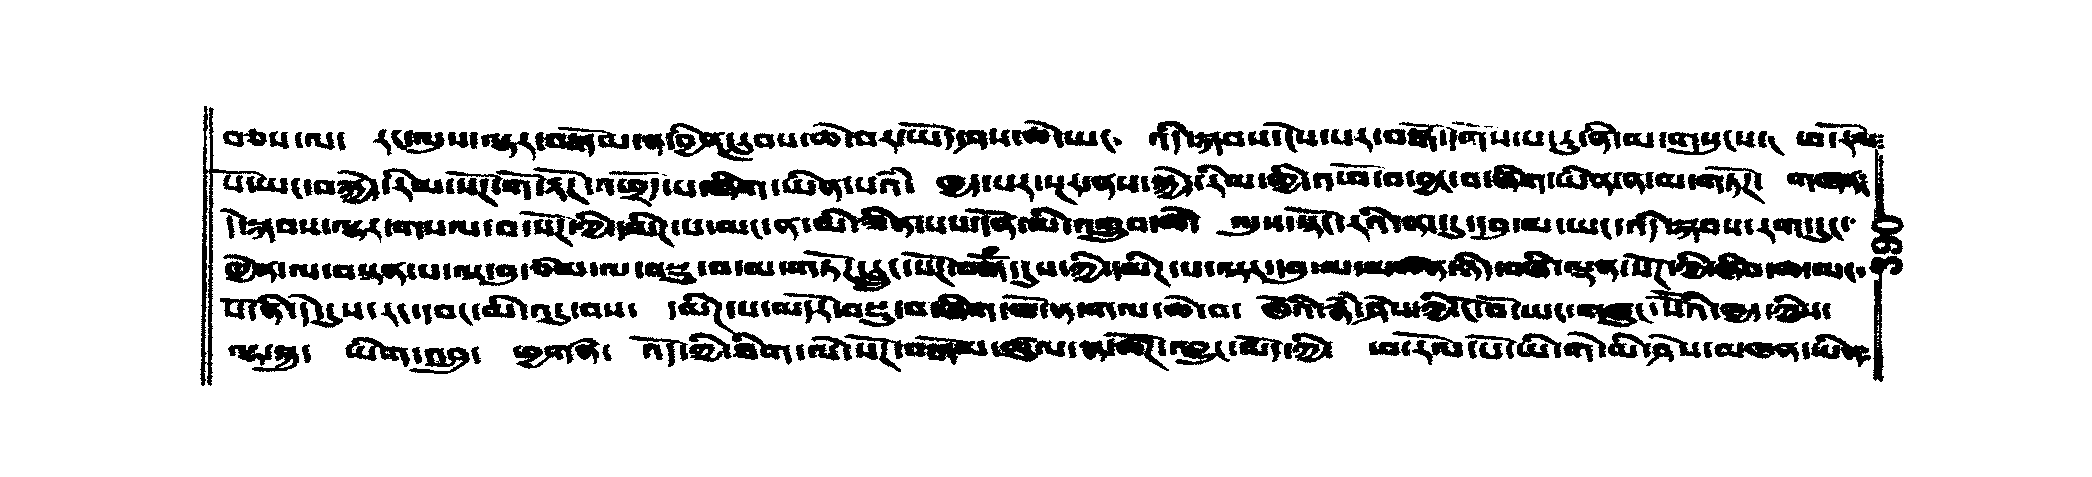བཅས་ལ། རང་ལུས་ལྷར་བསྒོམ་ན་བྱིན་རླབས་ཆེ་བར་ཡོད་ཤས་ཆེ་ཡང་། འདི་སྐབས་ངེས་པར་བསྒོམ་དགོས་པ་རུ་ནི་མ་གསུངས། ཕ་རོལ་
པོ་ཡང་བསྐྱེད་རིམ་སོགས་གོ་རྟོགས་འཕྲོད་པ་ཞིག་ཡིན་པའམ། ཁྱད་པར་སྔར་ནས་བསྐྱེད་རིམ་གྱི་འཕོ་བ་བྱང་བ་ཞིག་ཡིན་ན་མ་གཏོགས། གཞན་
དེ་སྐབས་ལྷར་གསལ་བ་སོགས་ཀྱི་དམིགས་པ་མང་ན་མི་ཟིན་པས་དོན་མི་འགྲུབ་ཚེ། ལུས་སྟོང་རའི་ནང་དུ་དབུ་མ་ཡང་འདི་སྐབས་རག་དུང་
གྱེན་ལ་བསྟན་པ་ལྟ་བུ་ཙམ་ལ་བསྡུ་བ་མ་གཏོགས་རླུང་སོགས་བསྒོམ་དུས་ཀྱི་དམིགས་པ་ལྟར་དབུ་མ་མཚན་ཉིད་བཞི་ལྡན་སོགས་ཀྱི་ཞིབ་ཆ་མང
པོ་ནི་དེ་དུས་རང་དབང་མི་འདུས་བས། དམིགས་པ་མདོར་བསྡུ་བ་ཞིག་ཁོ་ན་གལ་ཆེ་བ།ཁོའི་རྣམ་ཤེས་ཀྱི་ངོ་བོ་ཡང་གཞུང་སོ་སོའི་ཁྱད་ཀྱིས་
ལྷ་སྐུ། ཡིག་འབྲུ། ཕྱག་མཚན། འོད་ཀྱི་ཐིག་ལེ་སོགས་བསྒོམ་ཚུལ་སྣ་ཚོགས་འབྱུང་མོད་ཀྱི། ཕ་རོལ་པོ་ཡི་གེ་མི་ཤེས་མཁན་ཡིན་